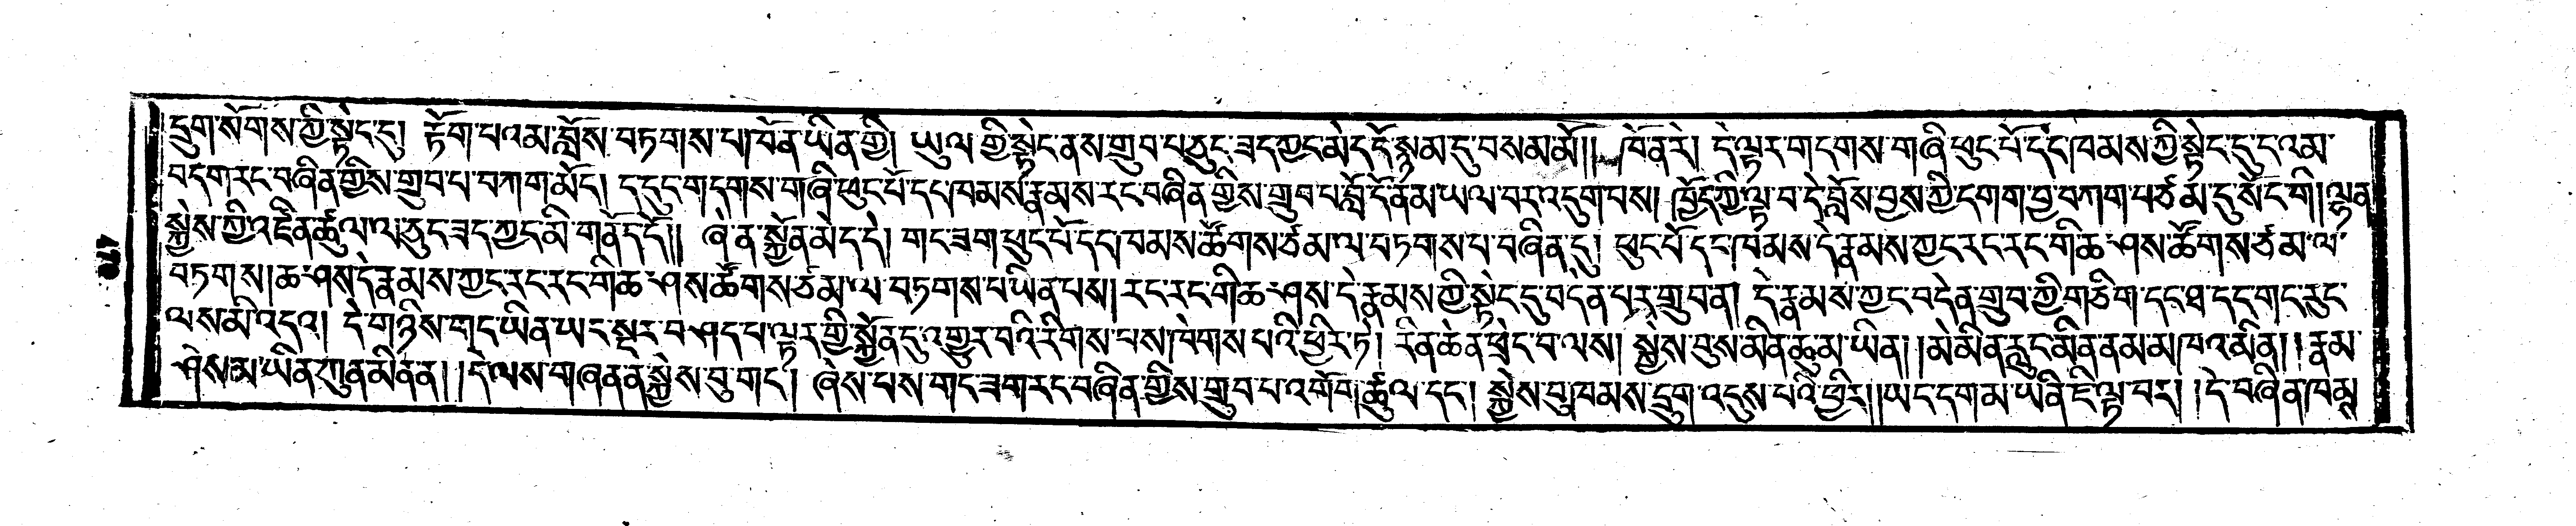དྲུག་སོགས་ཀྱི་སྟེང་དུ། རྟོག་པའམ་བློས་བཏགས་པ་ཁོ་ན་ཡིན་གྱི། ཡུལ་གྱི་སྟེང་ནས་གྲུབ་པ་ཅུང་ཟད་ཀྱང་མེད་དོ་སྙམ་དུ་བསམ་མོ། །ཁོ་ན་རེ། དེ་ལྟར་གདགས་གཞི་ཕུང་པོ་དང་ཁམས་ཀྱི་སྟེང་དུ་ང་འམ་
བདག་རང་བཞིན་གྱིས་གྲུབ་པ་བཀག་མོད། ད་དུང་གདགས་གཞི་ཕུང་པོ་དང་ཁམས་རྣམས་རང་བཞིན་གྱིས་གྲུབ་པ་བློ་ངོ་ན་མ་ཡལ་བར་འདུག་པས། ཁྱོད་ཀྱི་ལྟ་བ་དེ་བློས་བྱས་ཀྱི་དགག་བྱ་བཀག་པ་ཙམ་དུ་སོང་གི །ལྷན་
སྐྱེས་ཀྱི་འཛིན་ཚུལ་ལ་ཅུང་ཟད་ཀྱང་མི་གནོད་དོ། །ཞེ་ན་སྐྱོན་མེད་དེ། གང་ཟག་ཕུང་པོ་དང་ཁམས་ཚོགས་ཙམ་ལ་བཏགས་པ་བཞིན་དུ། ཕུང་པོ་དང་ཁམས་དེ་རྣམས་ཀྱང་རང་རང་གི་ཆ་ཤས་ཚོགས་ཙམ་ལ་
བཏགས། ཆ་ཤས་དེ་རྣམས་ཀྱང་རང་རང་གི་ཆ་ཤས་ཚོགས་ཙམ་ལ་བཏགས་པ་ཡིན་པས། རང་རང་གི་ཆ་ཤས་དེ་རྣམས་ཀྱི་སྟེང་དུ་བདེན་པར་གྲུབ་ན། དེ་རྣམས་ཀྱང་བདེན་གྲུབ་ཀྱི་གཅིག་དང་ཐ་དད་གང་རུང་
ལས་མ་འདའ། དེ་གཉིས་གང་ཡིན་ཡང་སྔར་བཤད་པ་ལྟར་གྱི་སྐྱོན་དུ་འགྱུར་བའི་རིགས་པས་ཁེགས་པའི་ཕྱིར་ཏེ། རིན་ཆེན་ཕྲེང་བ་ལས། སྐྱེས་བུ་ས་མིན་ཆུ་མ་ཡིན། །མེ་མིན་རླུང་མིན་ནམ་མཁའ་མིན། །རྣམ་
ཤེས་མ་ཡིན་ཀུན་མིན་ན། །དེ་ལས་གཞན་ན་སྐྱེས་བུ་གང་། ཞེས་པས་གང་ཟག་རང་བཞིན་གྱིས་གྲུབ་པ་འགོག་ཚུལ་དང་། སྐྱེས་བུ་ཁམས་དྲུག་འདུས་པའི་ཕྱིར། །ཡང་དག་མ་ཡིན་ཇི་ལྟ་བར། །དེ་བཞིན་ཁམས་